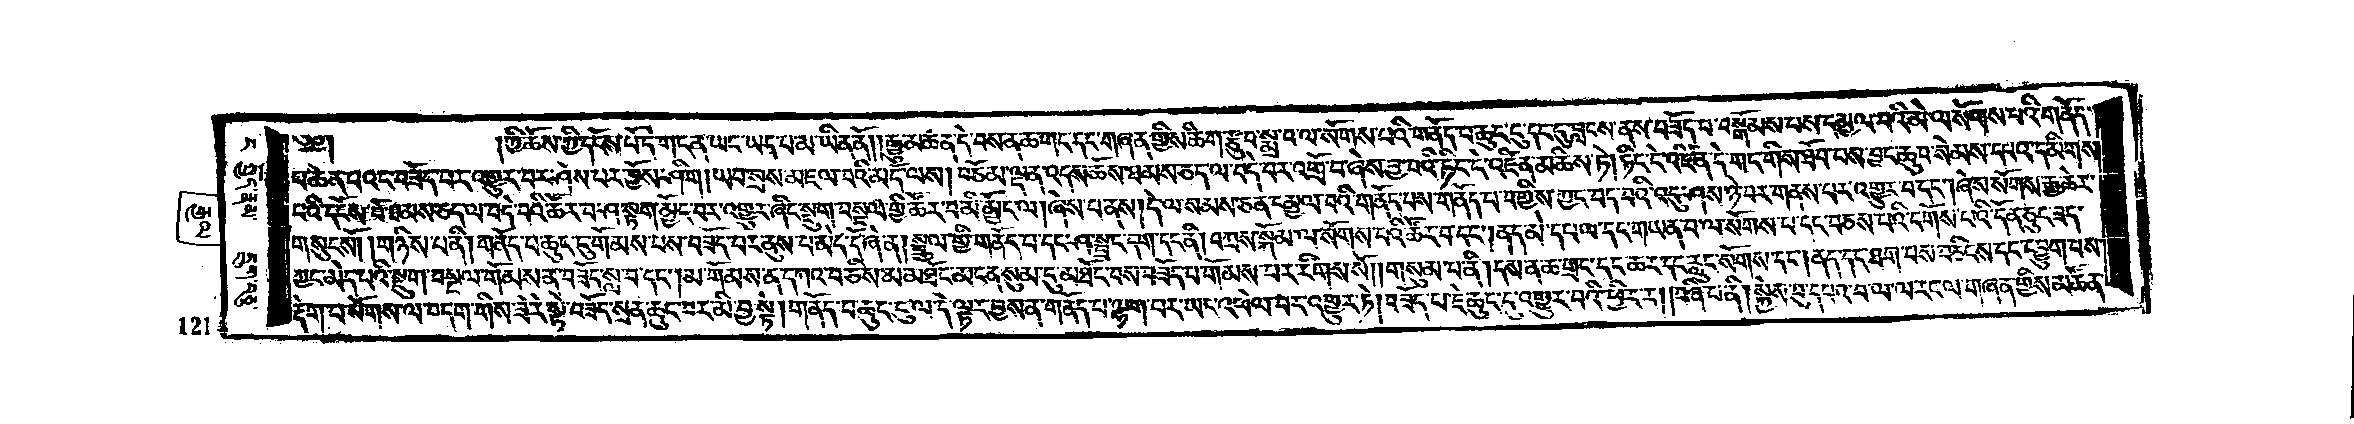༄༅། །ཀྱི་ཆོས་ཀྱི་དངོས་པོ་དེ་གདན་ཡང་ཡད་པ་མ་ཡིན་ནོ། །རྒྱུ་མཚན་དེ་བས་ན་ཆ་གང་དང་གཞན་གྱིས་ཚིག་རྩུ་བ་སྨྲ་བ་ལ་སོགས་པའི་གནོད་པ་ཆུཨིང་ངུ་དང་དུ་བླངས་ནས་བཟོད་པ་བསོམས་པས་དམྱལ་བའི་མེ་ལ་སོགས་པའི་གནོད་
པ་ཆེན་བའང་བཞོད་པར་འགྱུར་བར་སེམས་པར་བྱོས་ཤིག །ཡབ་སྲས་འཇལ་བའི་མདོ་ལས། བཅོམ་ལྡན་འདས་ཆོས་ཐམས་ཅད་ལ་བདེ་བར་འགོ་བ་ཞེས་བྱ་བའི་ཏིང་ངེ་འདིཟན་མཆིས་ཏེ། ཏིང་ངེ་འདིཟན་དེ་གང་གིས་ཐོབ་པས་བྱང་ཆུབ་སེམས་དཔའ་དམིགས་
པའི་དངོས་པོ་ཐམས་ཅད་ལ་བདེ་བའི་ཚོར་བ་ཤ་སྟག་མྱོནམག་བར་འགྱུར་ཞིང་སྡུག་བསྔལ་གྱི་ཚོར་བ་མི་མྱོང་ལ། ཞེས་པ་ནས། དེ་ལ་སེམས་ཅན་དམྱལ་བའི་གནོད་པས་གནོད་པ་བགྱིས་ཀྱང་བདེ་བའི་འདུ་ཤེས་ཉེ་བར་གནས་པར་འགྱུར་བ་དང་། ཞེས་གསོ་རྒྱ་ཆེར་
གསུངས་སོ། །གཉིས་པ་ནི། གནོད་པ་ཆུང་ངུ་གོམས་པས་བཟོད་པར་ནུས་པ་མེད་དོ་ཞེ་ན། སྦྲུལ་གྱི་གནོད་པ་དང་ཤ་སྦྲང་དག་དང་ནི། བཀྲས་སྐོམ་ལ་སོགས་པའི་ཚོར་བ་དང་། ནད་མེད་པལ་དང་གཡན་པ་ལ་སོགས་པ་དང་བཅས་པའི་དགོས་པའི་དོན་ཅུང་ཟད་
ཀྱང་མེད་པའི་སྡུག་བསྔལ་གོམས་ན་བཟོད་སླ་བ་དང་། མ་གོམས་ན་དཀའ་བ་ཅིས་མ་མཐོང་མངོན་སུམ་དུ་མཐོང་བས་བཟོད་པ་གོམས་པར་རིགས་སོ། །གསུམ་པ་ནི། དེས་ན་ཆ་གྲང་དང་ཆར་དང་རླུང་སོགས་དང་ནད་དང་ཐག་པས་བཅིངས་དང་དབྱུག་པས་
རྡེག་པ་སོགས་ལ་བདག་གིས་ཟེ་རེ་སྟེ་བཟོད་སྲན་ཆུང་བར་མི་བྱ་སྟེ། གནོད་པ་ཆུང་ངུ་ལ་དེ་ལྟར་བྱས་ན་གནོད་པ་ལྷག་པར་ཡང་འཕེལ་བར་འགྱུར་ཏེ། བཟོད་པ་ཇེ་ཆུགན་ངུ་འགྱུར་བའི་ཕྱིར་རོ། །བཞི་པ་ནི། སྐྱེས་བུ་དཔའ་བ་ལ་ལ་རང་ལ་གཞན་གྱིས་མཚོན་